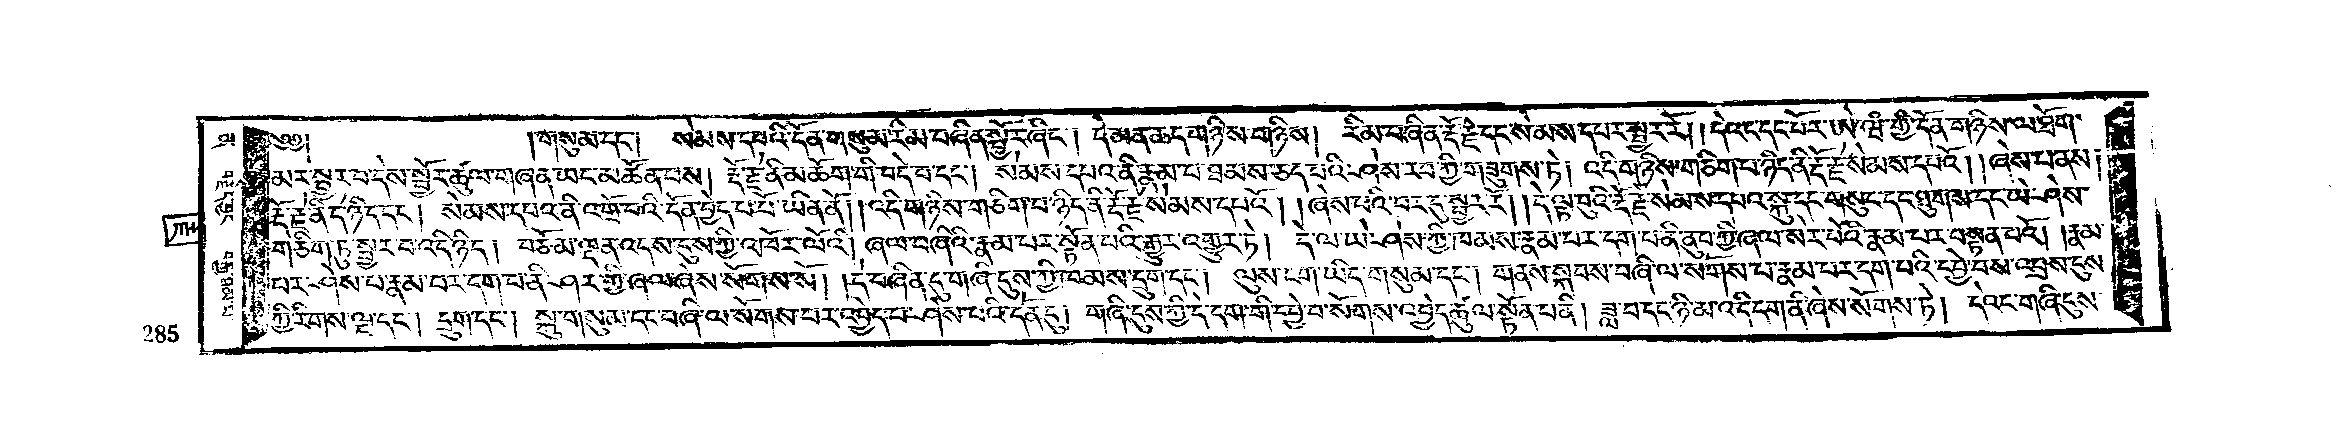༄༅། །གསུམ་དང་། སེམས་དཔའི་དོན་གསུམ་རིམ་བཞིན་སྦྱོར་ཞིང་། དེ་མན་ཆད་གཉིས་གཉིས། རིམ་བཞིན་རྡོ་རྗེ་དང་སེམས་དཔར་སྦྱར་རོ། །དེའང་དང་པོར་ཨེ་ཝཾ་གྱི་དོན་གཉིས་ལ་ཐོག་
མར་སྦྱར་བ་དེས་སྦྱོར་ཚུལ་གཞན་ཡང་མཚོན་པས། རྡོ་རྗེ་ནི་མཆོག་གི་བདེ་བ་དང་། སེམས་དཔའ་ནི་རྣམ་པ་ཐམས་ཅད་པའི་ཤེས་རབ་ཀྱི་གཟུགས་ཏེ། འདི་གཉིས་གཅིག་པ་ཉིད་ནི་རྡོ་རྗེ་སེམས་དཔའོ། །ཞེས་པ་ནས།
རྡོ་རྗེ་ནི་དེ་ཉིད་དང་། སེམས་དཔའ་ནི་འགྲོ་བའི་དོན་བྱེད་པ་པོ་ཡིན་ནོ། །འདི་གཉིས་གཅིག་པ་ཉིད་ནི་རྡོ་རྗེ་སེམས་དཔའོ། །ཞེས་པའི་བར་དུ་སྦྱར་རོ། །དེ་ལྟ་བུའི་རྡོ་རྗེ་སེམས་དཔའ་སྐུ་དང་གསུང་དང་ཐུགས་དང་ཡེ་ཤེས་
གཅིག་ཏུ་སྦྱར་བ་འདི་ཉིད། བཅོམ་ལྡན་འདས་དུས་ཀྱི་འཁོར་ལོའི། ཞལ་བཞིའི་རྣམ་པར་སྟོན་པའི་རྒྱུར་འགྱུར་ཏེ། དེ་ལ་ཡེ་ཤེས་ཀྱི་ཁམས་རྣམ་པར་དག་པ་ནི་ནུབ་ཀྱི་ཞལ་སེར་པོའི་རྣམ་པར་བསྟན་པའོ། །རྣམ་
པར་ཤེས་པ་རྣམ་པར་དག་པ་ནི་ཤར་གྱི་ཞལ་ཞེས་སོགས་སོ། །དེ་བཞིན་དུ་གཞི་དུས་ཀྱི་ཁམས་དྲུག་དང་། ལུས་ངག་ཡིད་གསུམ་དང་། གནས་སྐབས་བཞི་ལ་སོགས་རྣམ་པར་དག་པའི་དབྱེ་བས་འབྲས་དུས་
ཀྱི་རིགས་ལྔ་དང་། དྲུག་དང་། སྐུ་གསུམ་དང་བཞི་ལ་སོགས་པར་འབྱེད་པ་ཤེས་པའི་དོན་དུ། གཞི་དུས་ཀྱི་དེ་དག་གི་དབྱེ་བ་སོགས་འབྱེད་ཚུལ་སྟོན་པ་ནི། ཟླ་བ་དང་ཉི་མ་འདི་དག་ནི་ཞེས་སོགས་ཏེ། དེའང་གཞུ་དུས་